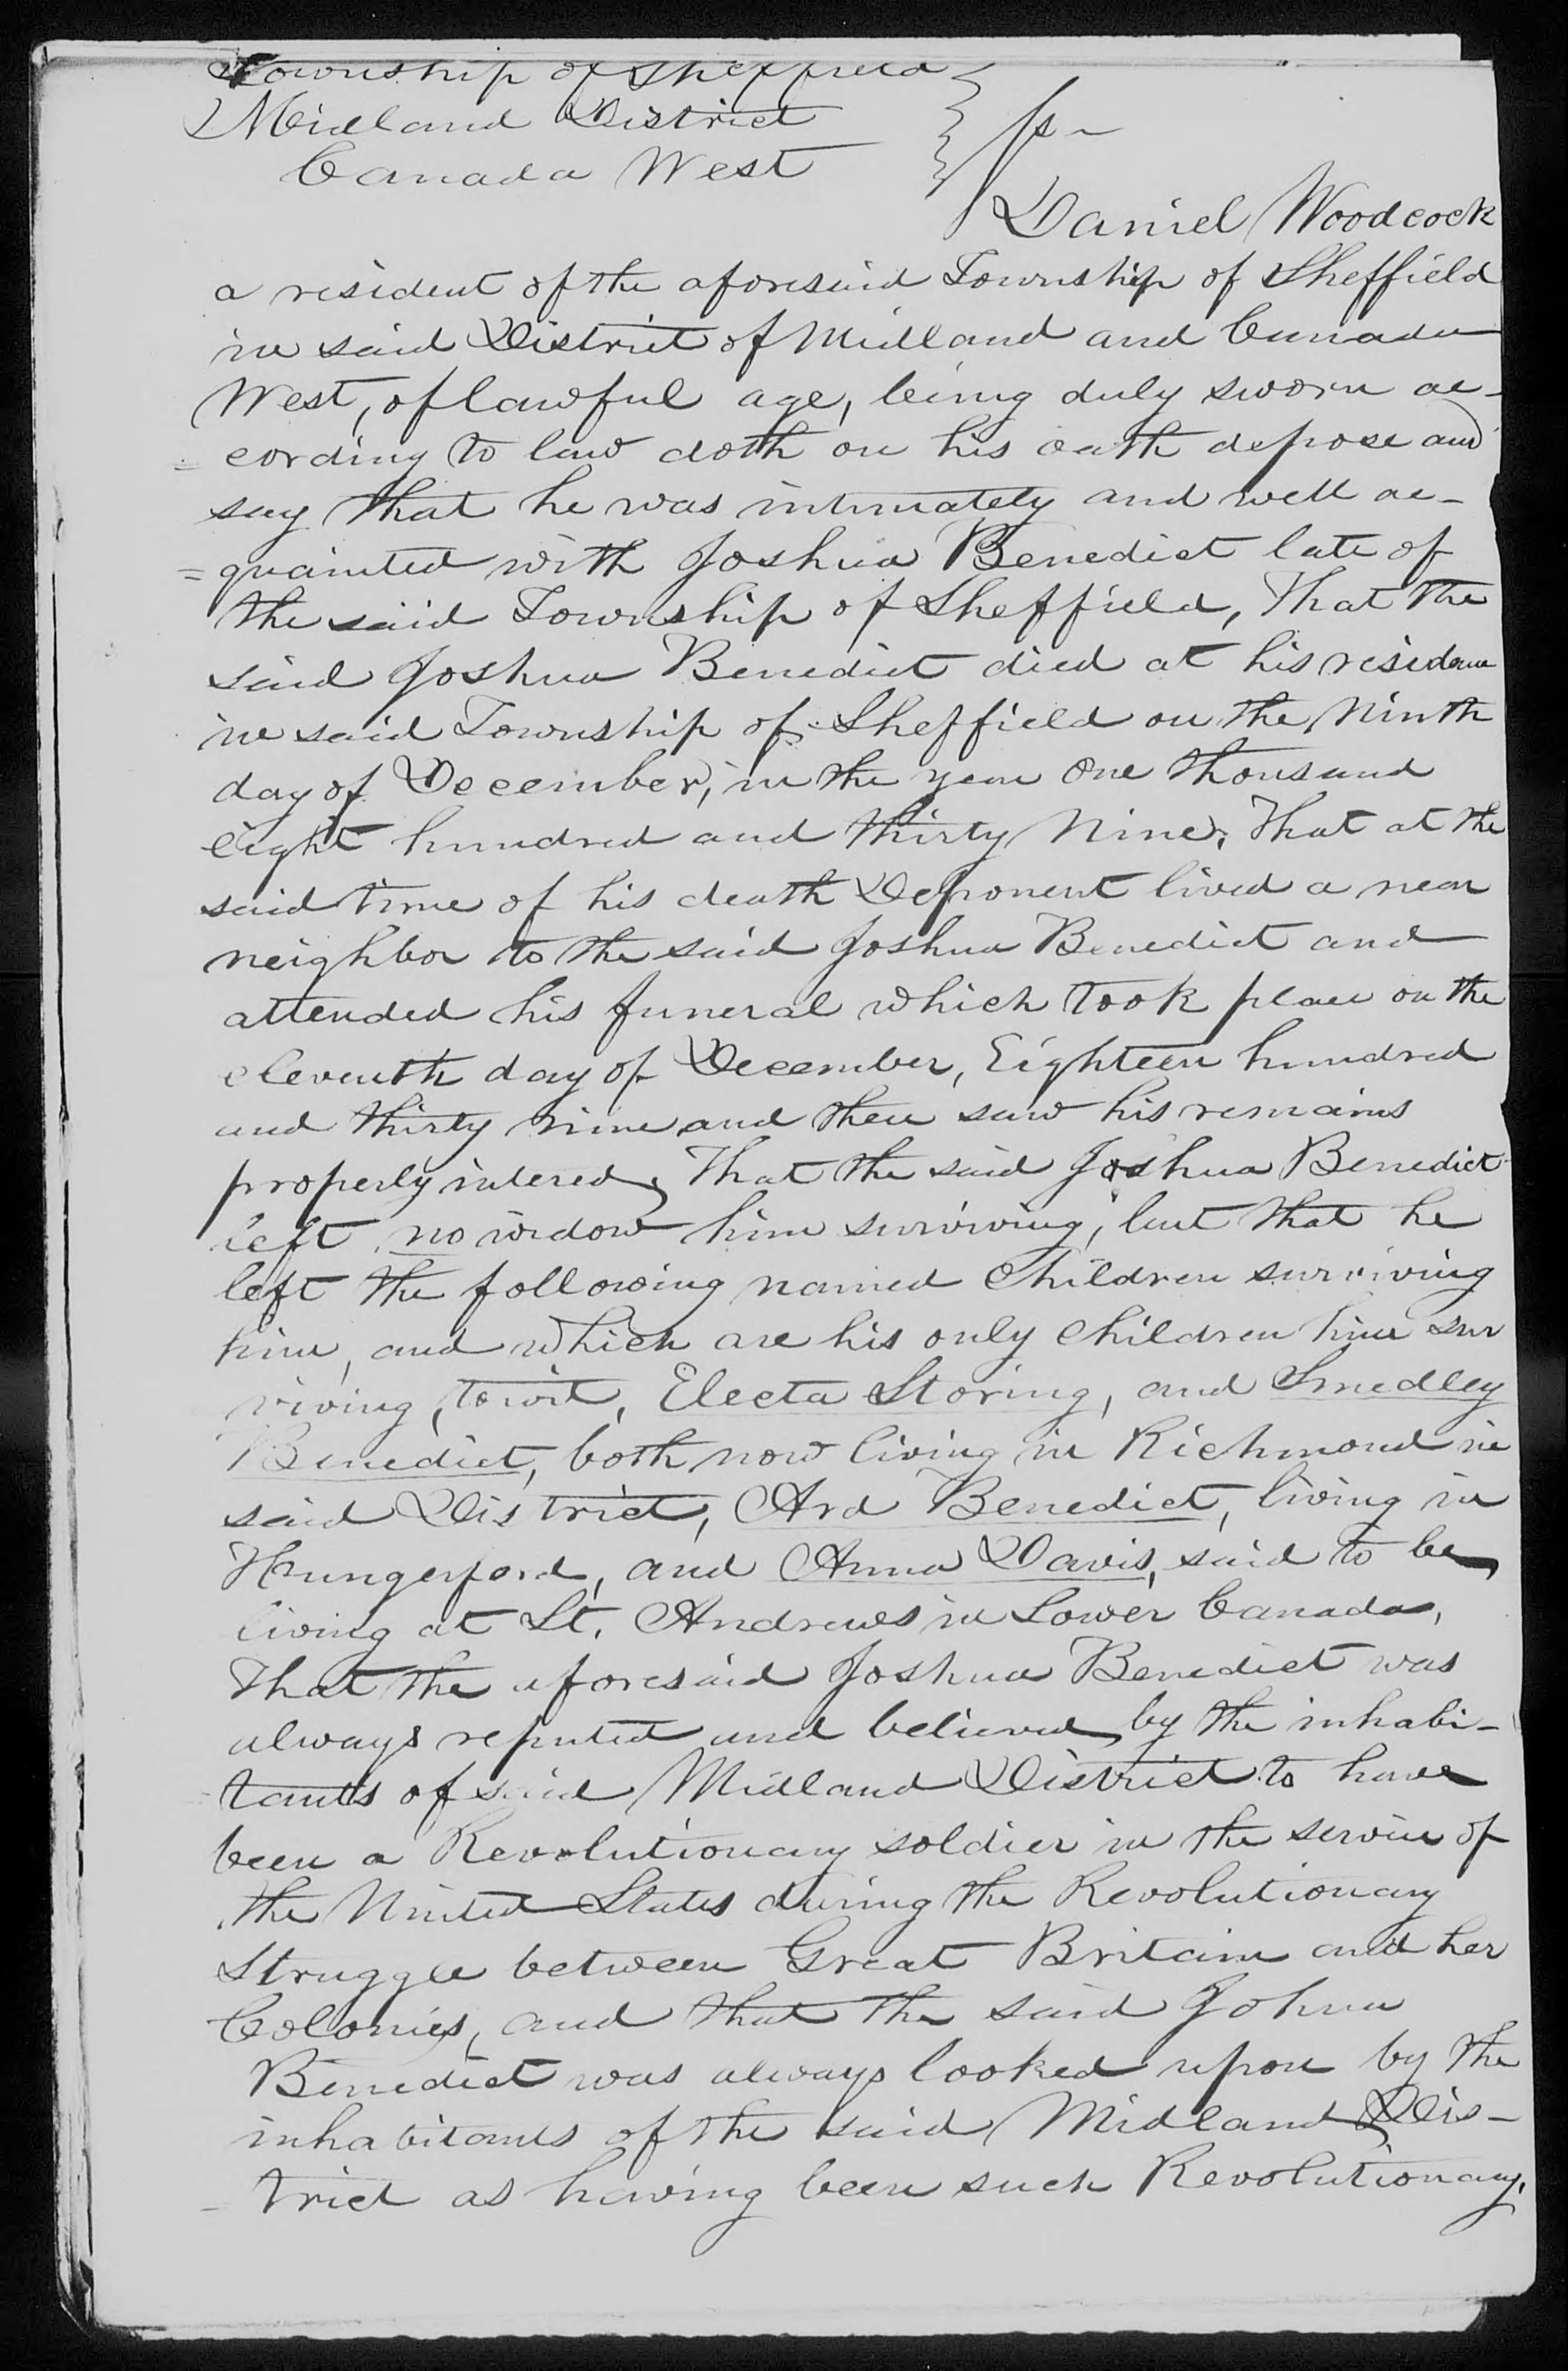Township of Sheffield
Midland District
Canada West } Ss~
Daniel Woodcock a resident of the aforesaid Township of Sheffield in said District of Midland and Canada West, of lawful age, being duly sworn according to law doth on his oath depose and say that he was intimately and well acquainted with Joshua Benedict late of the said Township of Sheffield, That the said Joshua Benedict died at his residence in said Township of Sheffield on the ninth day of December, in the year one thousand eight hundred and thirty nine. That at the said time of his death Deponent lived a near neighbor to the said Joshua Benedict and attended his funeral which took place on the eleventh day of December, Eighteen hundred and thirty nine and there saw his remains properly intered [interred]. That the said Joshua Benedict left no widow him surviving, but that he left the following named children surviving him, and which are his only children him surviving, to wit, Electa Storing, and Smedley Benedict, both now living in Richmond in said District, Ard Benedict, living in Hungerford, and Anna Davis, said to be living at St. Andrews in Lower Canada. That the aforesaid Joshua Benedict was always reputed and believed by the inhabitants of said Midland District to have been a Revolutionary soldier in the service of the United States during the Revolutionary Struggle between Great Britain and her Colonies, and that the said Joshua Benedict was always looked upon by the inhabitants of the said Midland District as having been such Revolutionary,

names: Joshua Benedict, Joshua Benedict, Ard Benedict, Joshua Benedict, Joshua Benedict, Smedley Benedict, Daniel Woodcock, Electa Storing, Anna Davis, Joshua Benedict, Johna Benedict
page: 41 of 106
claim: survivor's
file: S 23,116., Joshua Benedict, Conn.